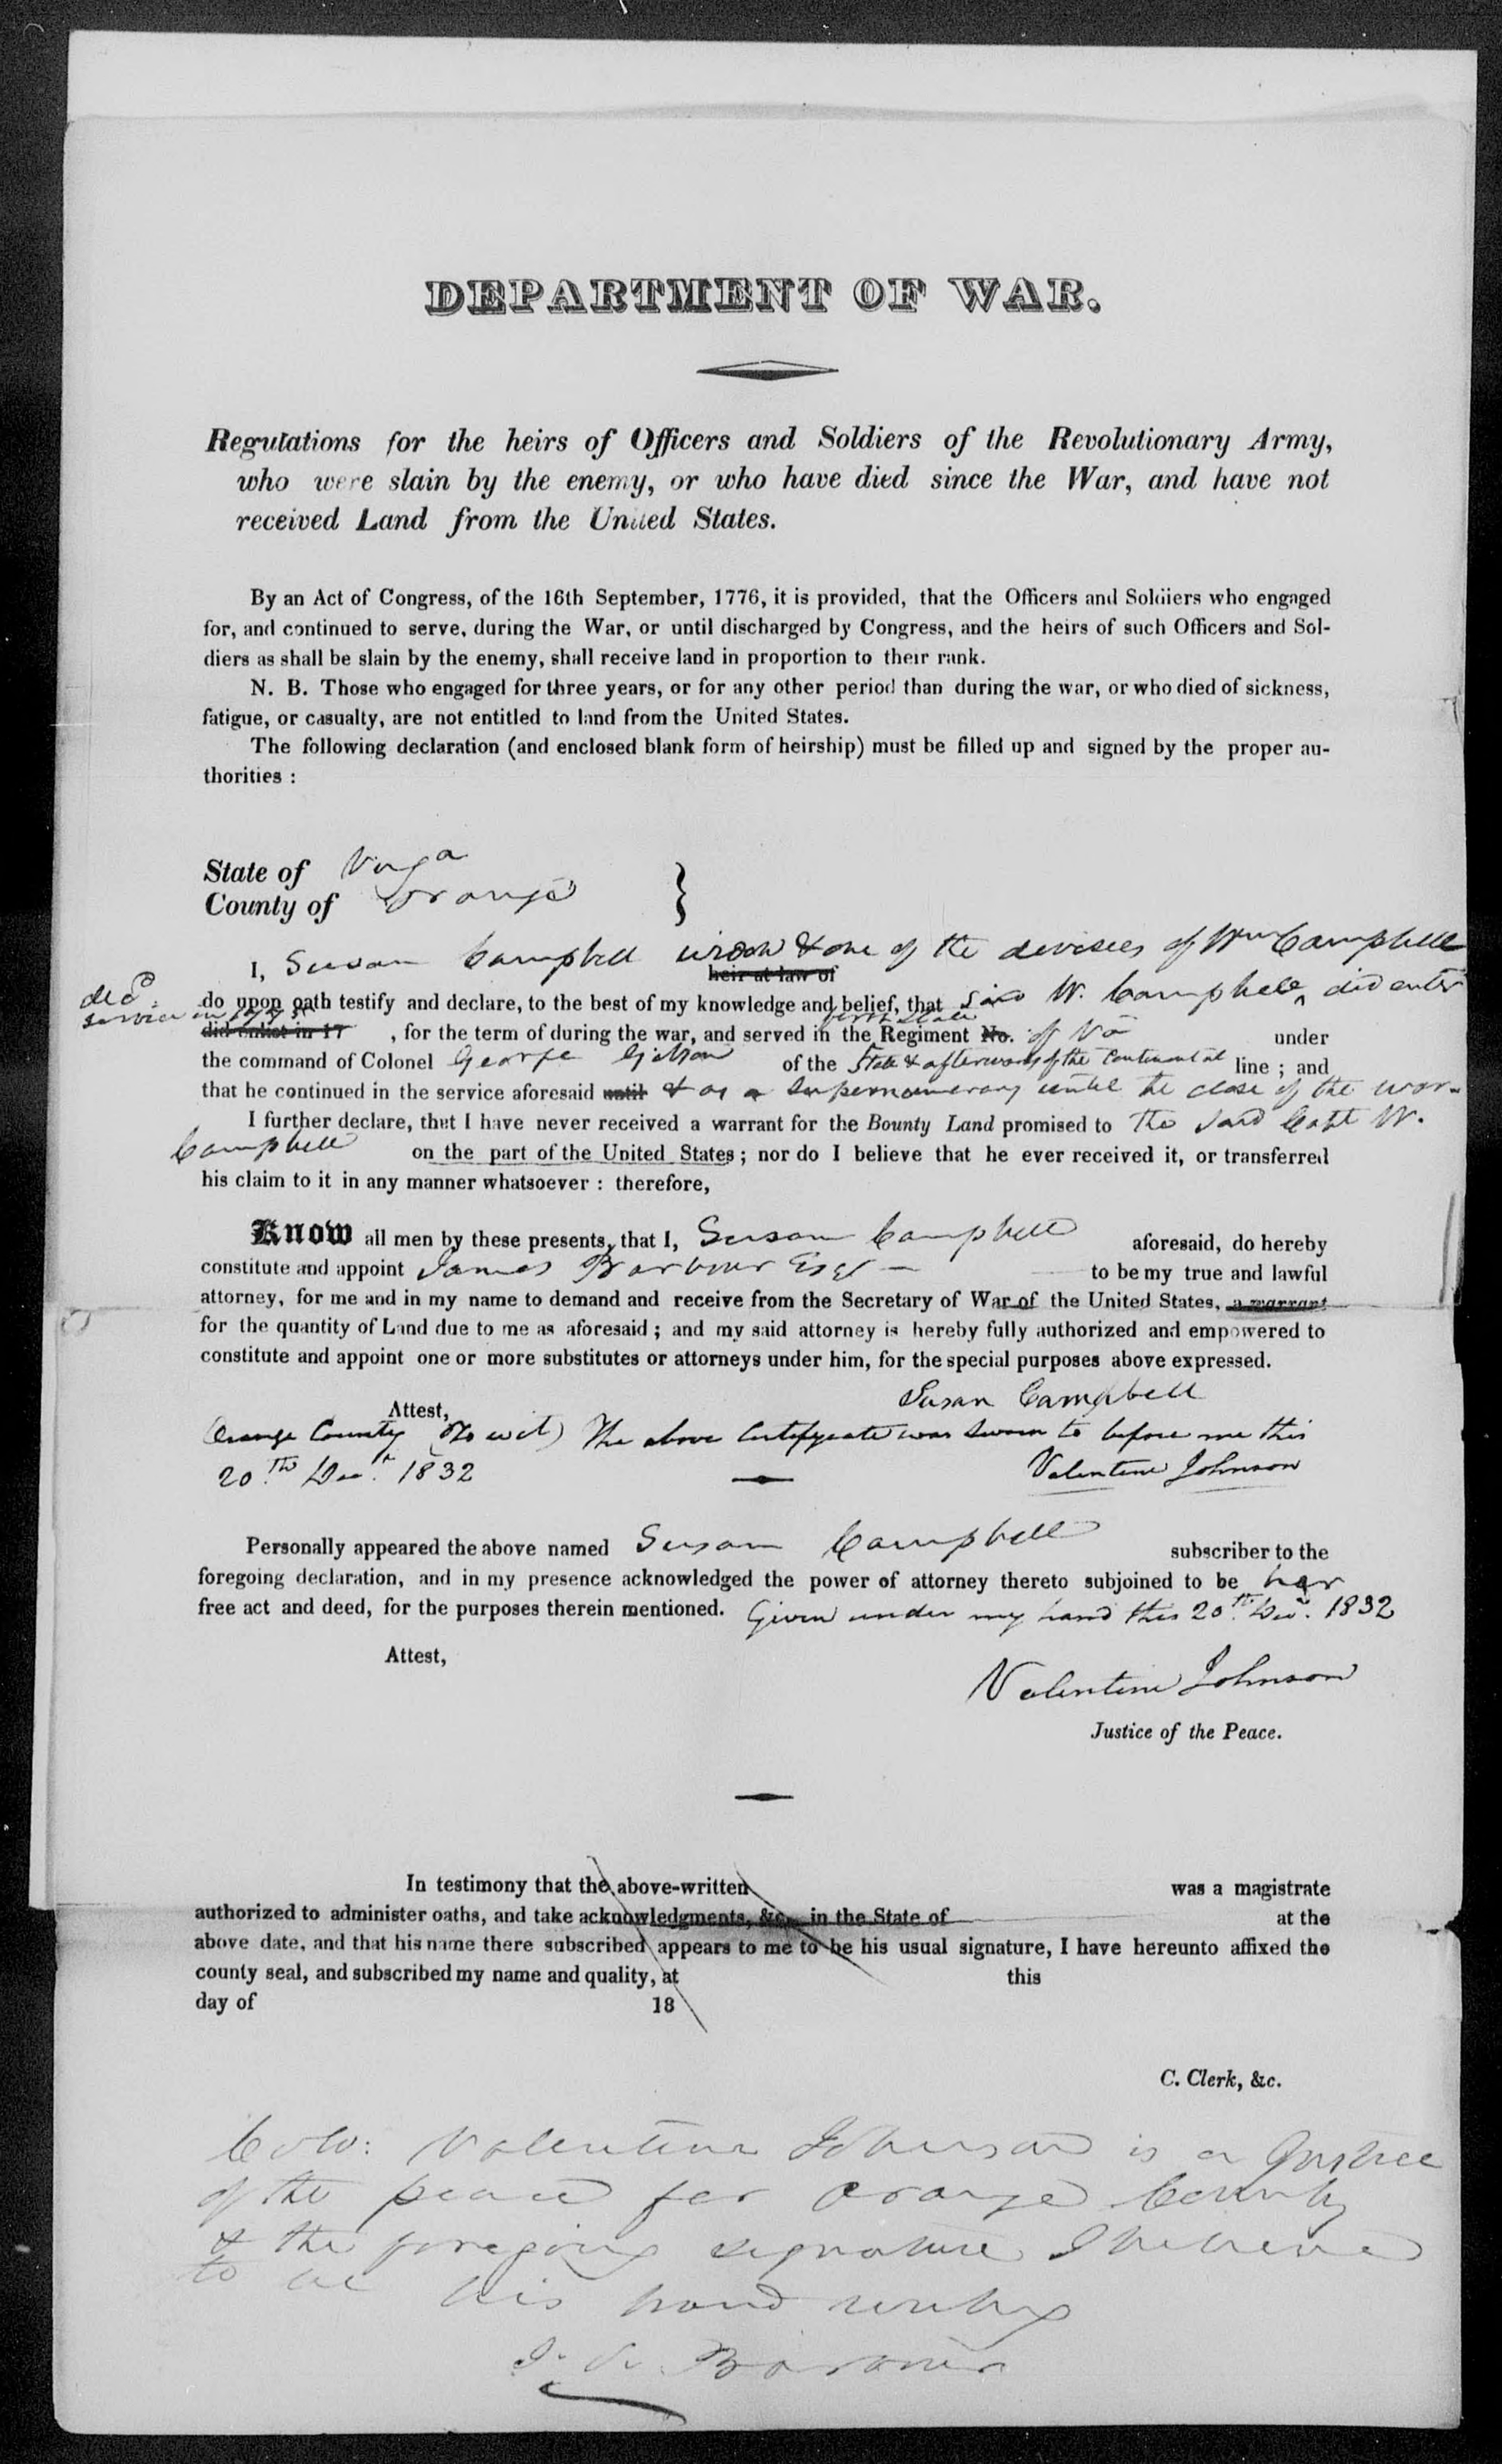DEPARTMENT OF WAR

Regulations for the heirs of Officers and Soldiers of the Revolutionary Army, who were slain by the enemy, or have died since the War, and have not received land from the United States.

By an Act of Congress, of the 16th September, 1776, it is provided, that the Officers and Soldiers who engaged for, and continued to serve, during the War, or until discharged by Congress, and their heirs of such Officers and Soldiers as shall be slain by the enemy, shall receive land in proportion to their rank.
N. B. Those who engaged for three years, or for any other period than during the war, or who died of sickness, fatigue, or casualty, are not entitled to land from the United States. The following declaration (and enclosed blank form of heirship) must be filled up and signed by the proper authorities :

State of Virga
County of Orange

1, Susan Campbell widow +[and} one of the devisees of Wm Campbell do upon oath testify and declare, to the best of my knowledge and belief, that said W. Campbell [insert] ded [insert end] did enter service in 1775 [cross out] did enlist in 17 [cross out end], for the term of the war, and served in the Regiment [cross out] No. [cross put end] of Va under the command of Colonel George Gibson of the State +[and] afterwards of the Continental line; and that he continued in the service aforesaid [cross out] until [crosds out end] +[and] a Supernumerary until the close of the war. 
I further declare, that I have never received a warrant for the Bounty Land promised to the Said Capt W. Campbell [underline] on the part of the United States [end underline]; nor do I believe that he ever received it, or transferred his claim to it in any manner whatsoever : therefore

Know all men by these presents, that I Susan Campbell aforesaid, do hereby constitute and appoint James Barbour Ese __  to be my true and lawful attorney, for me and in my name to demand and receive from the Secretary of War of the United States, a warrant for the quantity of Land due to me as aforesaid; and my said attorney is hereby fully authorized and empowered to constitute and appoint one or more substitutes or attorneys under him, for the special purposes above expressed. 
Attest, Susan Campbell [signature]
(Orange County To wit)  The above Certificate was sworn to before me this 20th Decr. 1832. Valentine Johnson [signature]

Personally appeared the above named Susan Campbell subscriber to the foregoing declaration, and in my presence acknowledged the power of attorney thereto subjoined be her free act and deed, for the purposes therein mentioned. Given under my hand this 20th Decr. 1832 
Attest,      Valentine Johnson [signature]
Justice of the Peace

[cross out] In testimony that the above-written was a magistrate authorized to administer oaths, and take acknowledgements, &c , in the State of.       at the above date, and that his name there subscribed appears to me to be his usual signature, I have hereunto affixed the county seal, and subscribed my name and quality, at.   this day of     18 [cross out end]

C. Clerk, &c.

Colo: Valentine Johnson is a Justice of the  peace for Orange County +[and] the foregoing signature I believe to be his handwriting
J.S. Barbour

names: W Campbell, Susan Campbell, Susan Campbell, Susan Campbell, Valentine Johnson, W Campbell, James Barbour, Valentine Johnson, J S Barbour, Valentine Johnson, George Gibson, Wm Campbell, Susan Campbell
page: 24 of 267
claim: widow's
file: W. 4,149, William Campbell, Va.